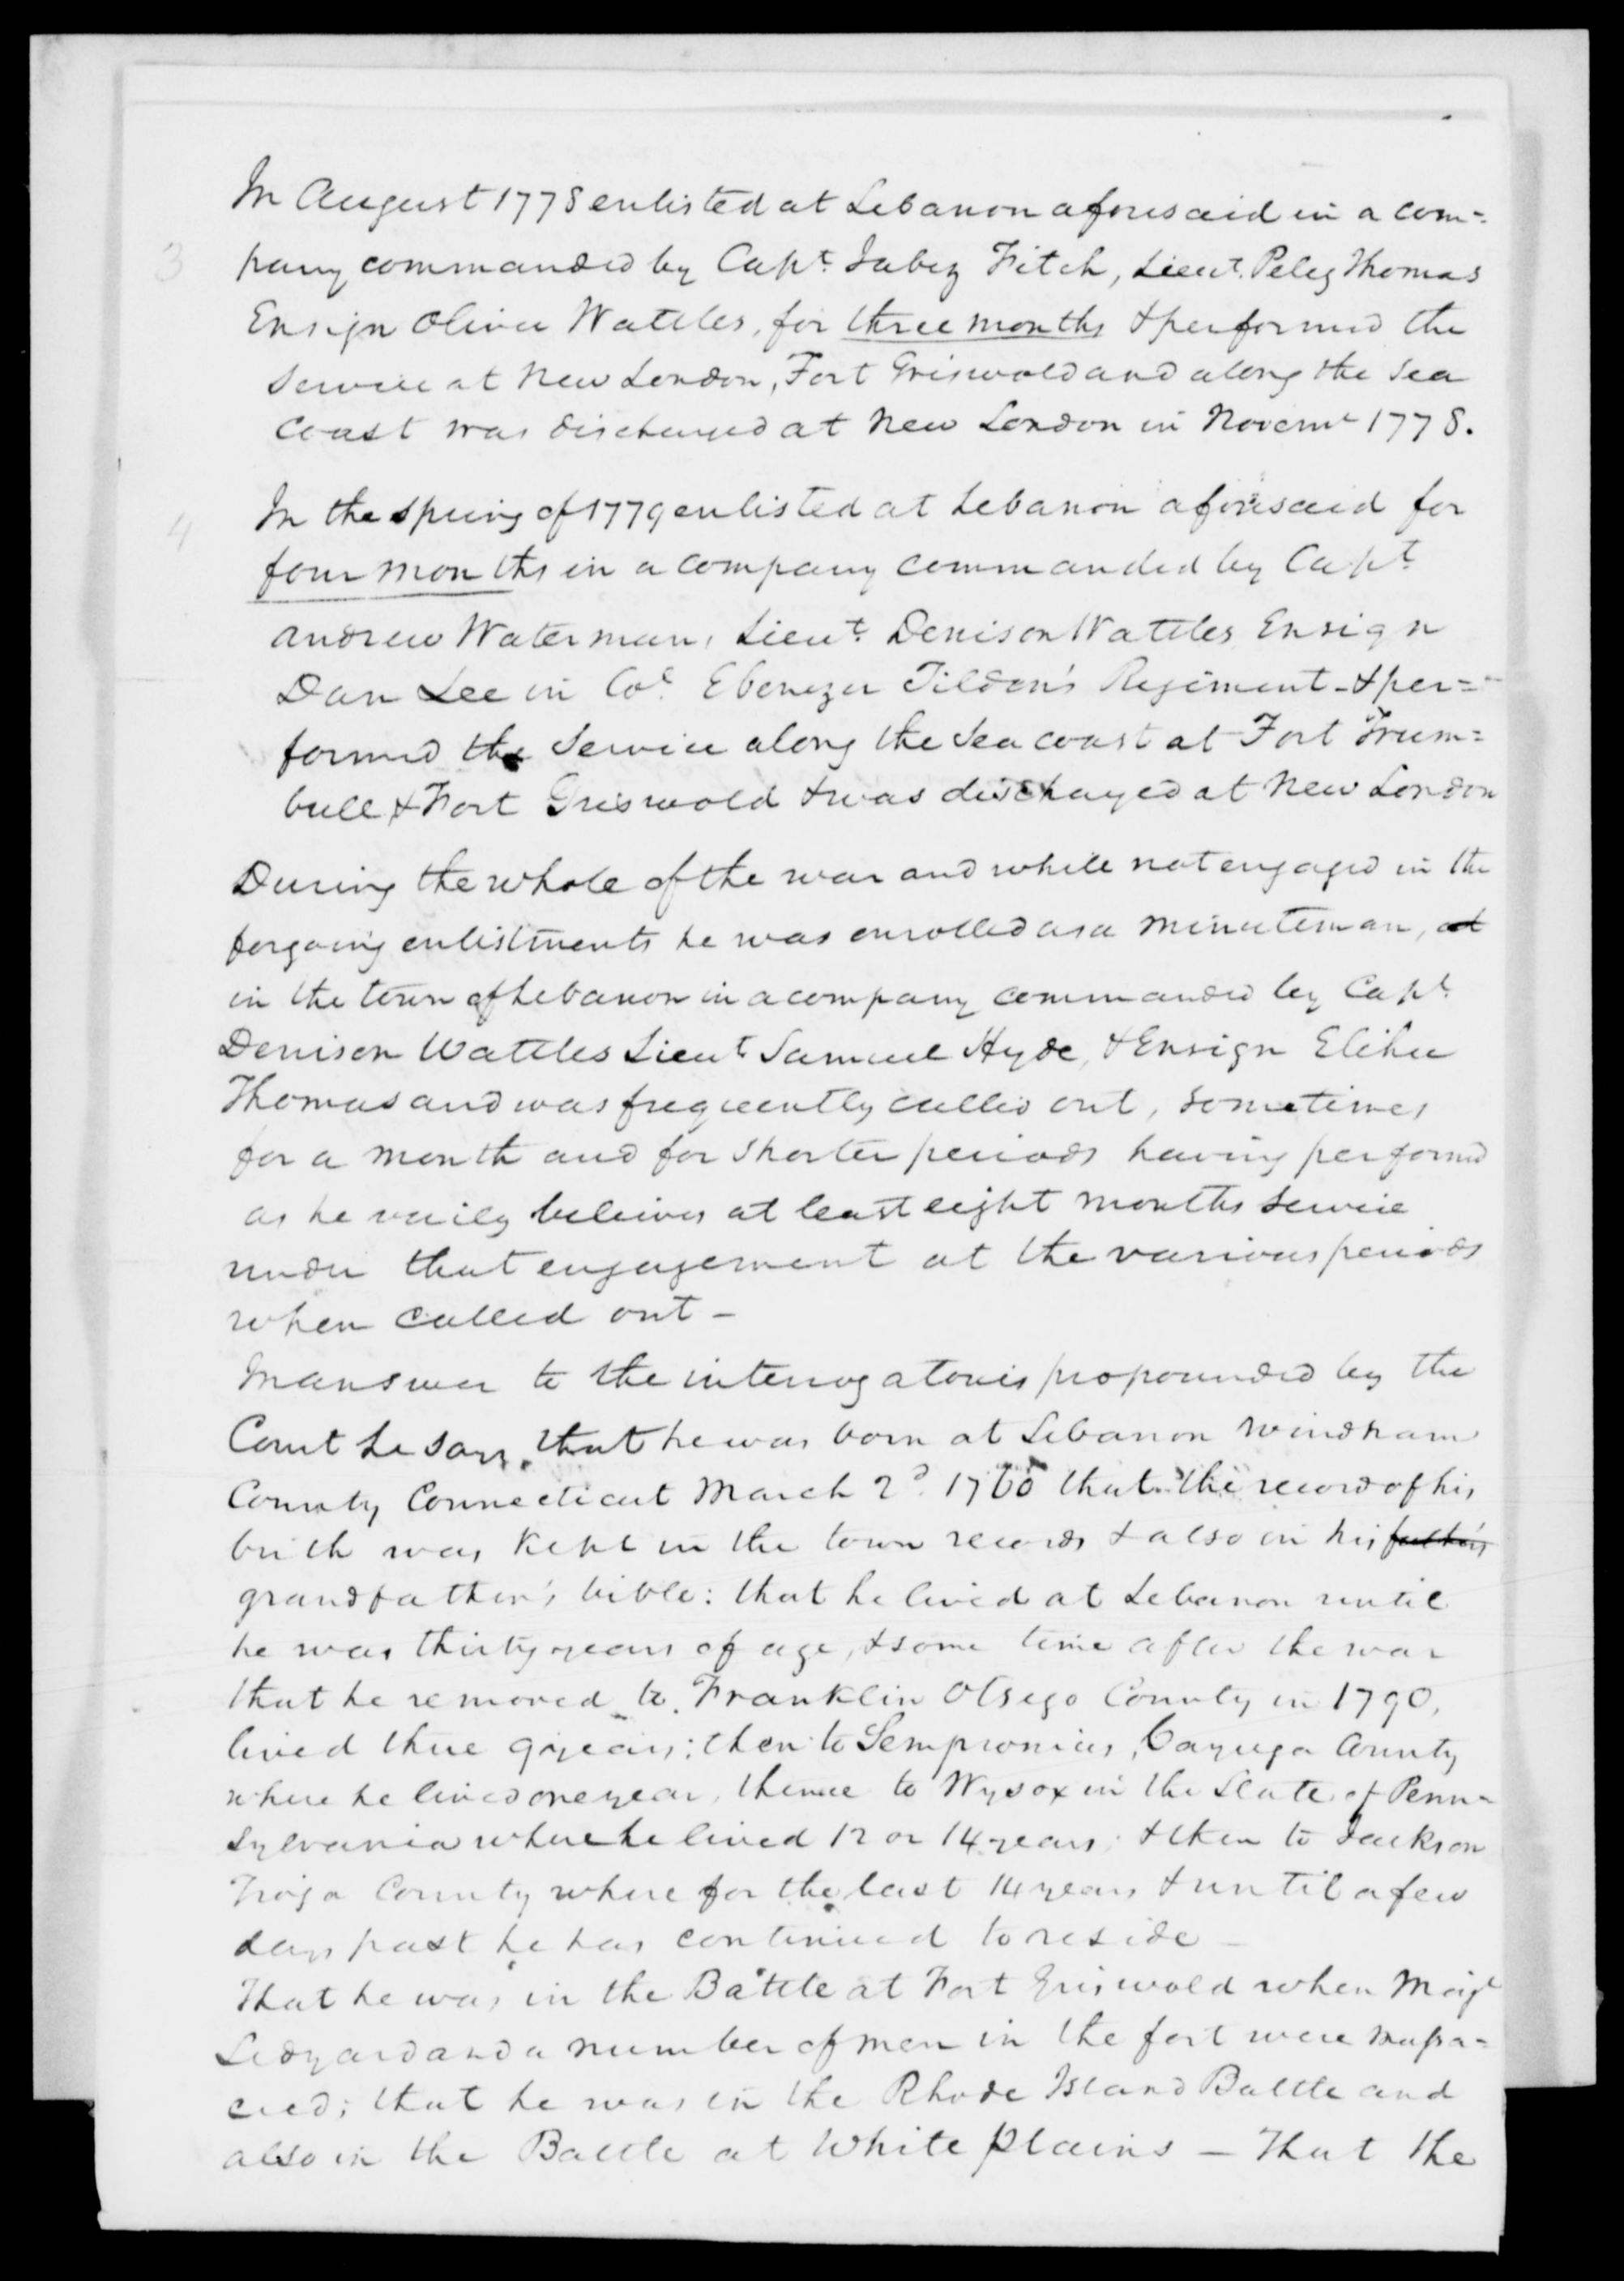In August 1778 enlisted at Lebanon aforesaid in a company commanded by Capt Jabez Fitch, Lieut. Peleg Thomas Ensign Oliver Wattles, for three months & performed the service at New London, Fort Griswold and along the sea last was discharged at New London in Novemr 1778.

In the spring of 1779 enlisted at Lebanon aforesaid for four months in a company commanded by Capt Andrew Waterman, Lieut. Denison Wattles Ensign Dan Lee in Col Ebenezer Tilden's Regiment & performed the service along the sea coast at Fort Trumbull & Fort Griswold & was discharged at New London

During the whole of the war and while not engaged in the forgoing enlistment he was enrolled as a minuteman in the town of Lebanon in a company commanded by Capt
Denison Wattles Lieut Samuel Hyde & Ensign Elihu Thomas and was frequently called out, sometimes for a month and for shorter periods having performed as he verily believes at least eight months service under that engagement at the various periods when called out

In answer to the interrogatories propounded by the Court he say that he was born at Lebanon Windham County Connecticut March 2d 1760 that the record of his birth was kept in the town records & also in his grandfathers bible: that he lived at Lebanon until he was thirty years of age, & some time after the war that he removed to Franklin Otsego County in 1790, lived there 9 years: then to Sempronius, Cayuga County where he lived one year, thence to Wysox in the State of Pennsylvania where he lived 12 or 14 years, & then to Jackson Tioga County where for the last 14 years & until a few day past he has continued to reside-

That he was in the Battle at Fort Griswold when Majr Ledyard and a number of men in the fort were massacred; that he was in the Rhode Island Battle and also in the Battle at White plains - That the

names: Denison Wattles, Dan Lee, Samuel Hyde, Jabez Fitch, Peleg Thomas, Ledyard, Elihu Thomas, Andrew Waterman, Oliver Wattles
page: 22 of 70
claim: widow's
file: W. 3743, Dan Wattles, Conn.